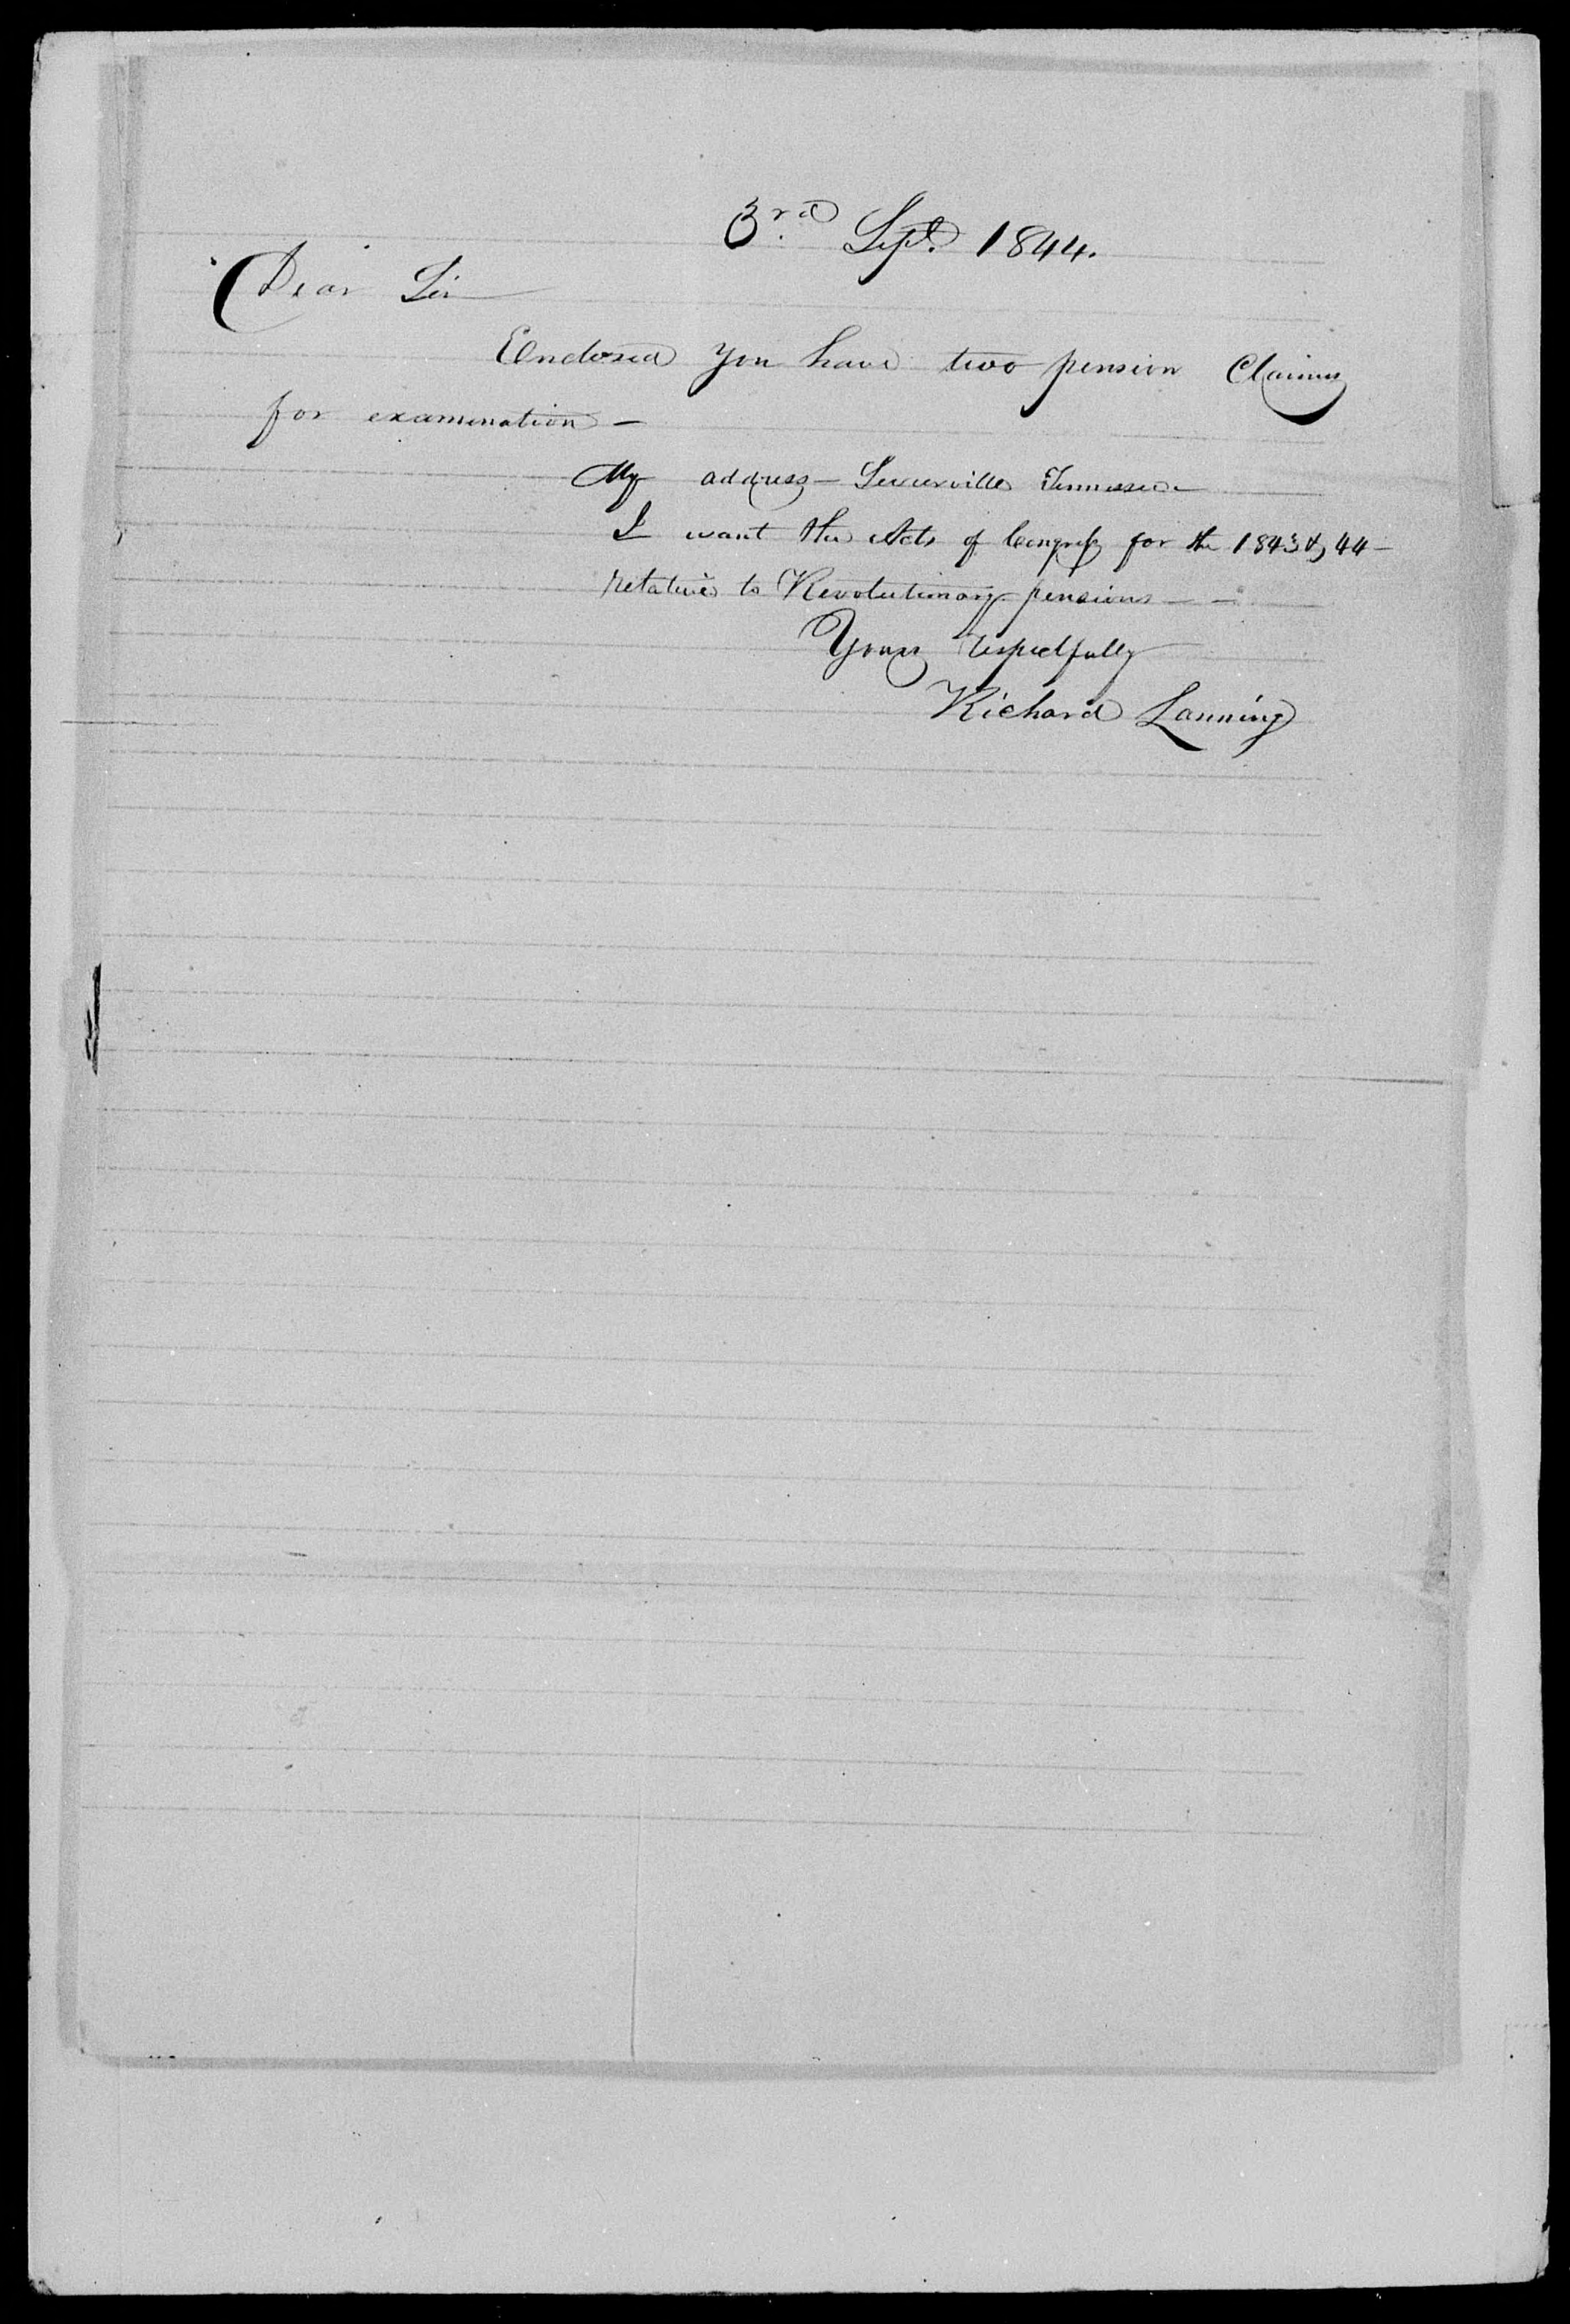3rd Sept. 1844.
Dear Sir
Enclosed you have two pension claims for examination.
My address - Sevierville Tennessee.  I want the Acts of Congress for the1834 & 44 relatives to Revolutionary pensions.
Yours respectfully
Richard Lanning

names: Richard Lanning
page: 10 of 10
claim: rejected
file: R. 7,607, for James Levins, Georgia